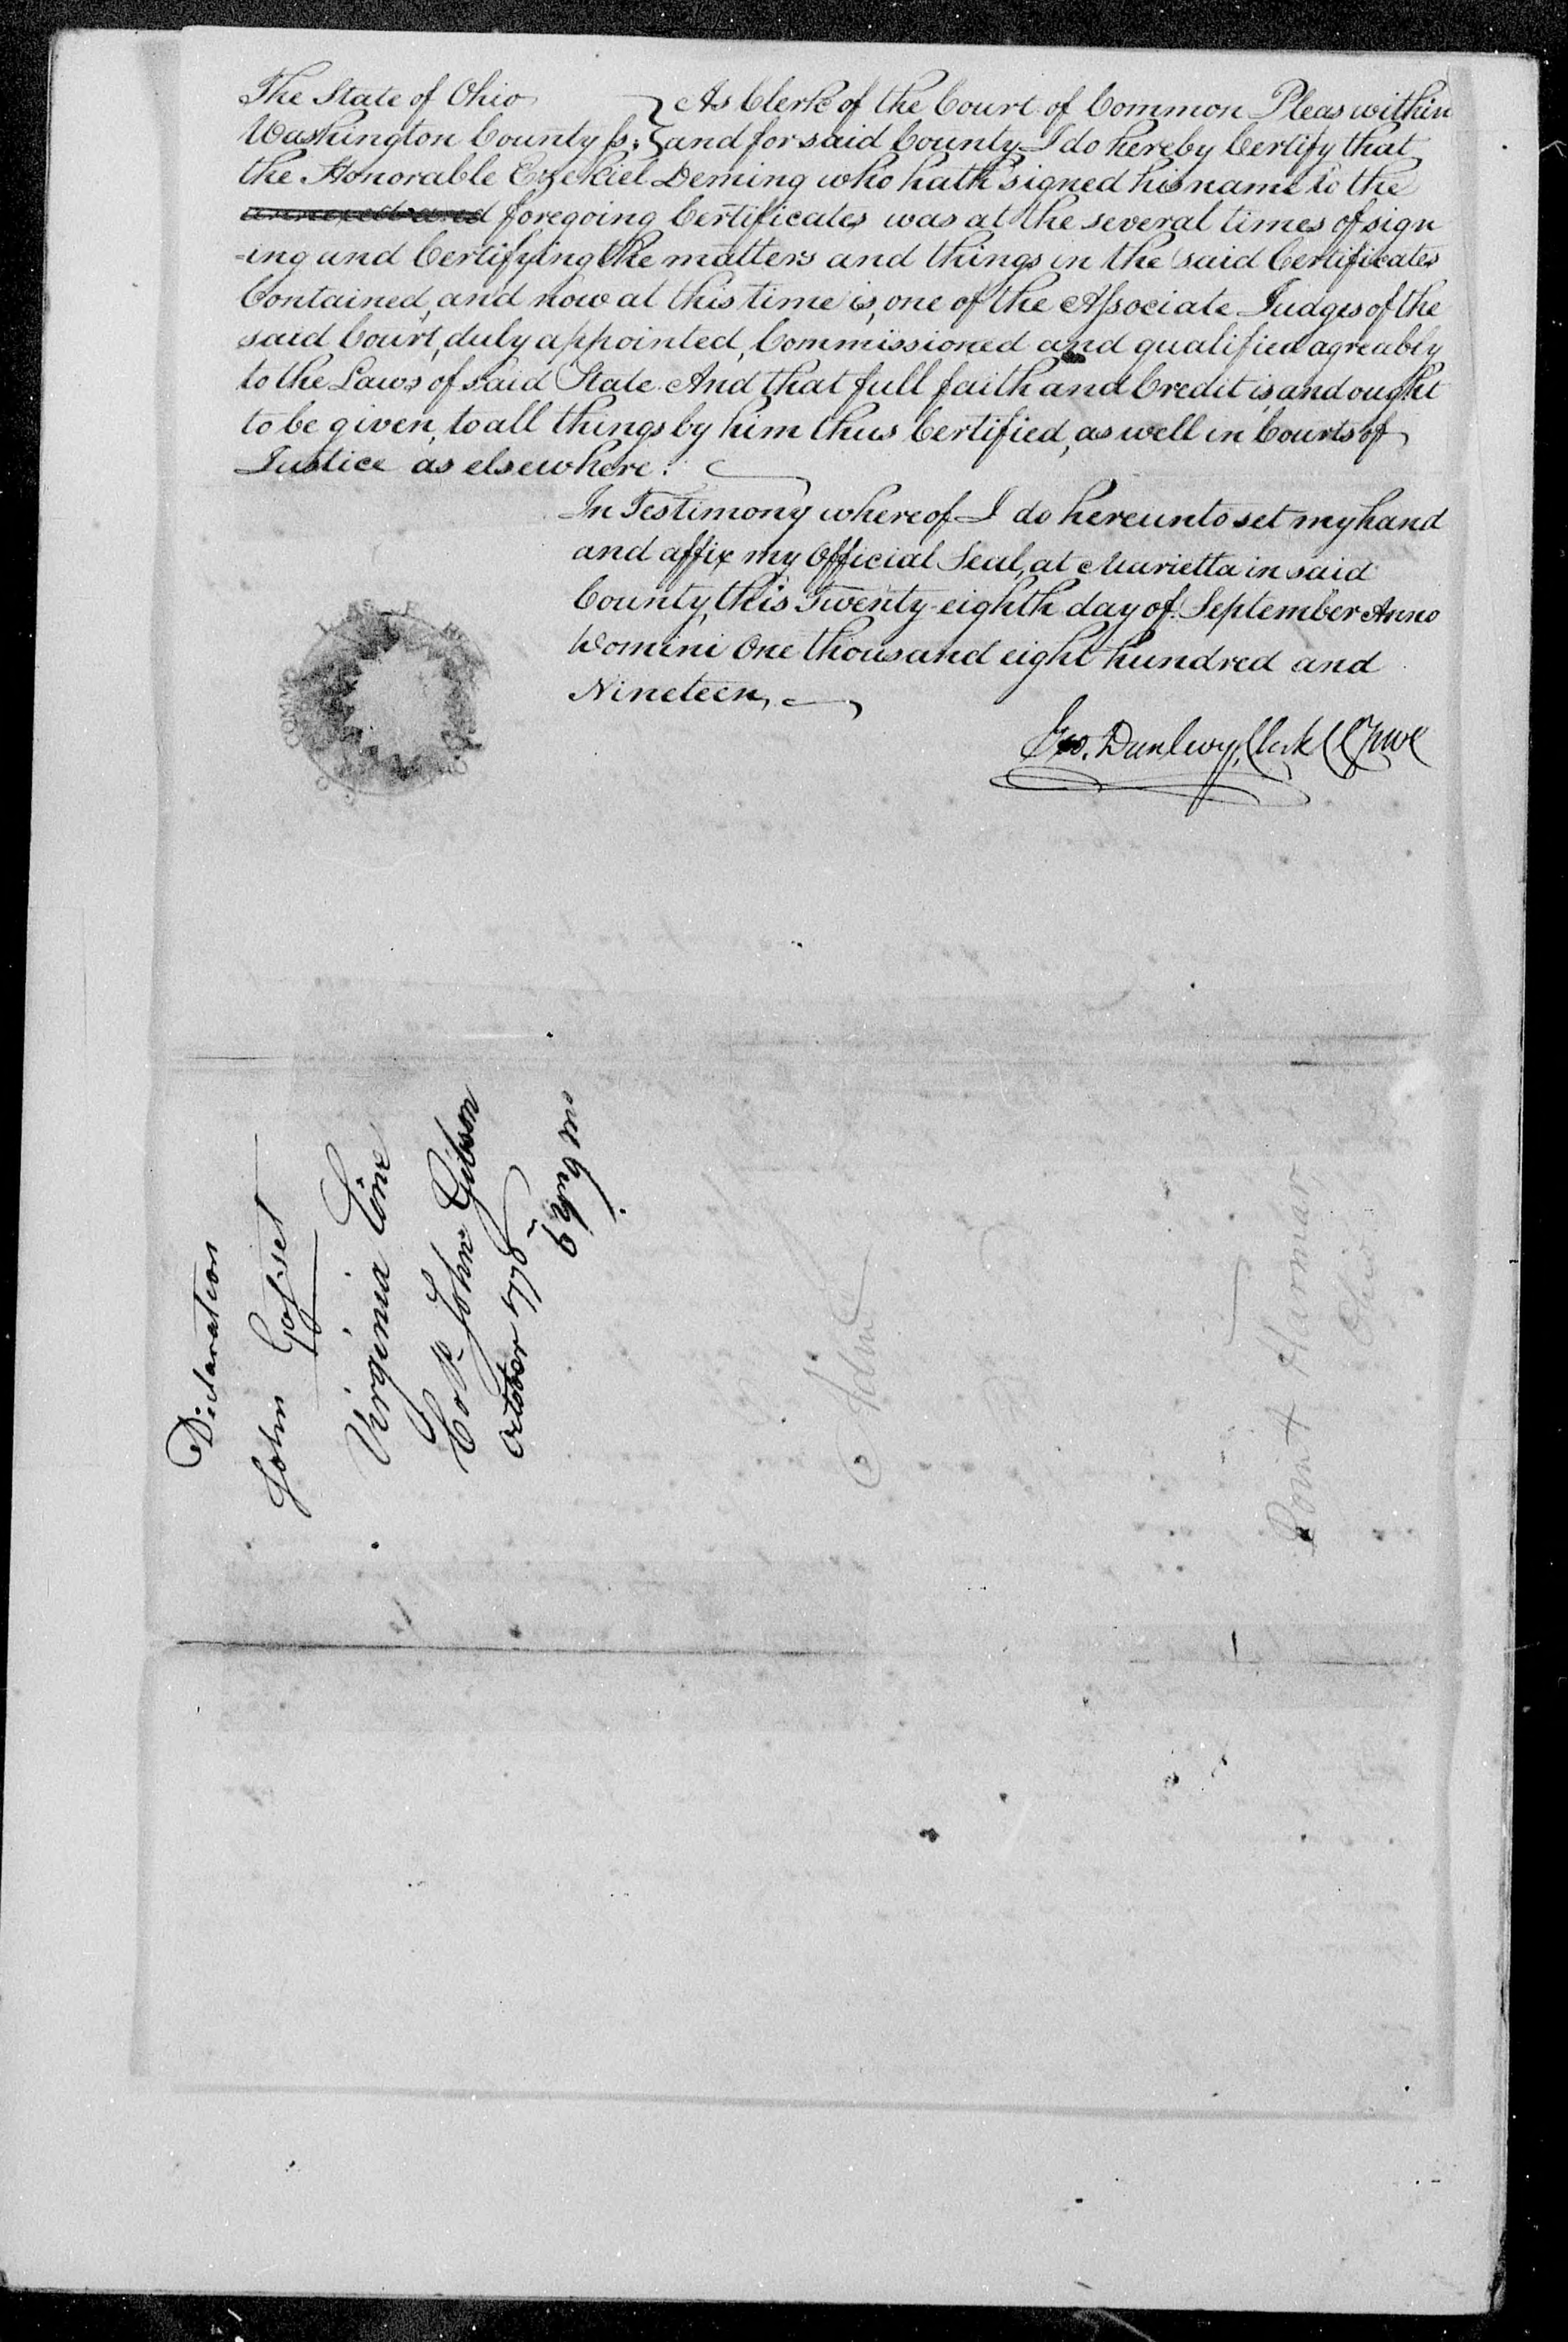[horizontal; main body]
State of Ohio, Washington County Ss}
As Clerk of the Court of Common Pleas within and for said County I do hereby Certify that the Honorable Ezekiel Deming who hath signed his name to the foregoing Certificates was at the several times of signing and Certifying the matters and Things in the said Certificates Contained, and now at this time is one of the Associate Judges of the said Court, duly appointed, Commissioned and qualified agreably [agreeably] to the Laws of said State. And that full faith and Credit is and ought to be given, to all things by him thus Certified, as well in Courts of Justice as elsewhere~
In Testimony whereof I do hereunto set my hand and affix my Official Seal at Marietta in said County this Twenty-eighth day of September Anno Domini One thousand eight hundred and Nineteen.
Geo Dunlevy [signature] Clerk CCPleas
[to left of signature is stamped seal]

[vertical; middle panel/fold]
Declaration John Gosset
Virginia Line
Col John Gibson
October 1776
6 yr 9 mo
[very faint handwriting illegible]
Certificate [very faint handwriting]
Admd
[very faint handwriting illegible; possibly signature]
~
Point Harmar, Ohio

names: Geo Dunlevy, John Gibson, John Gosset, Ezekiel Deming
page: 20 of 21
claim: survivor's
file: S. 42,750, John Gosset, Va.